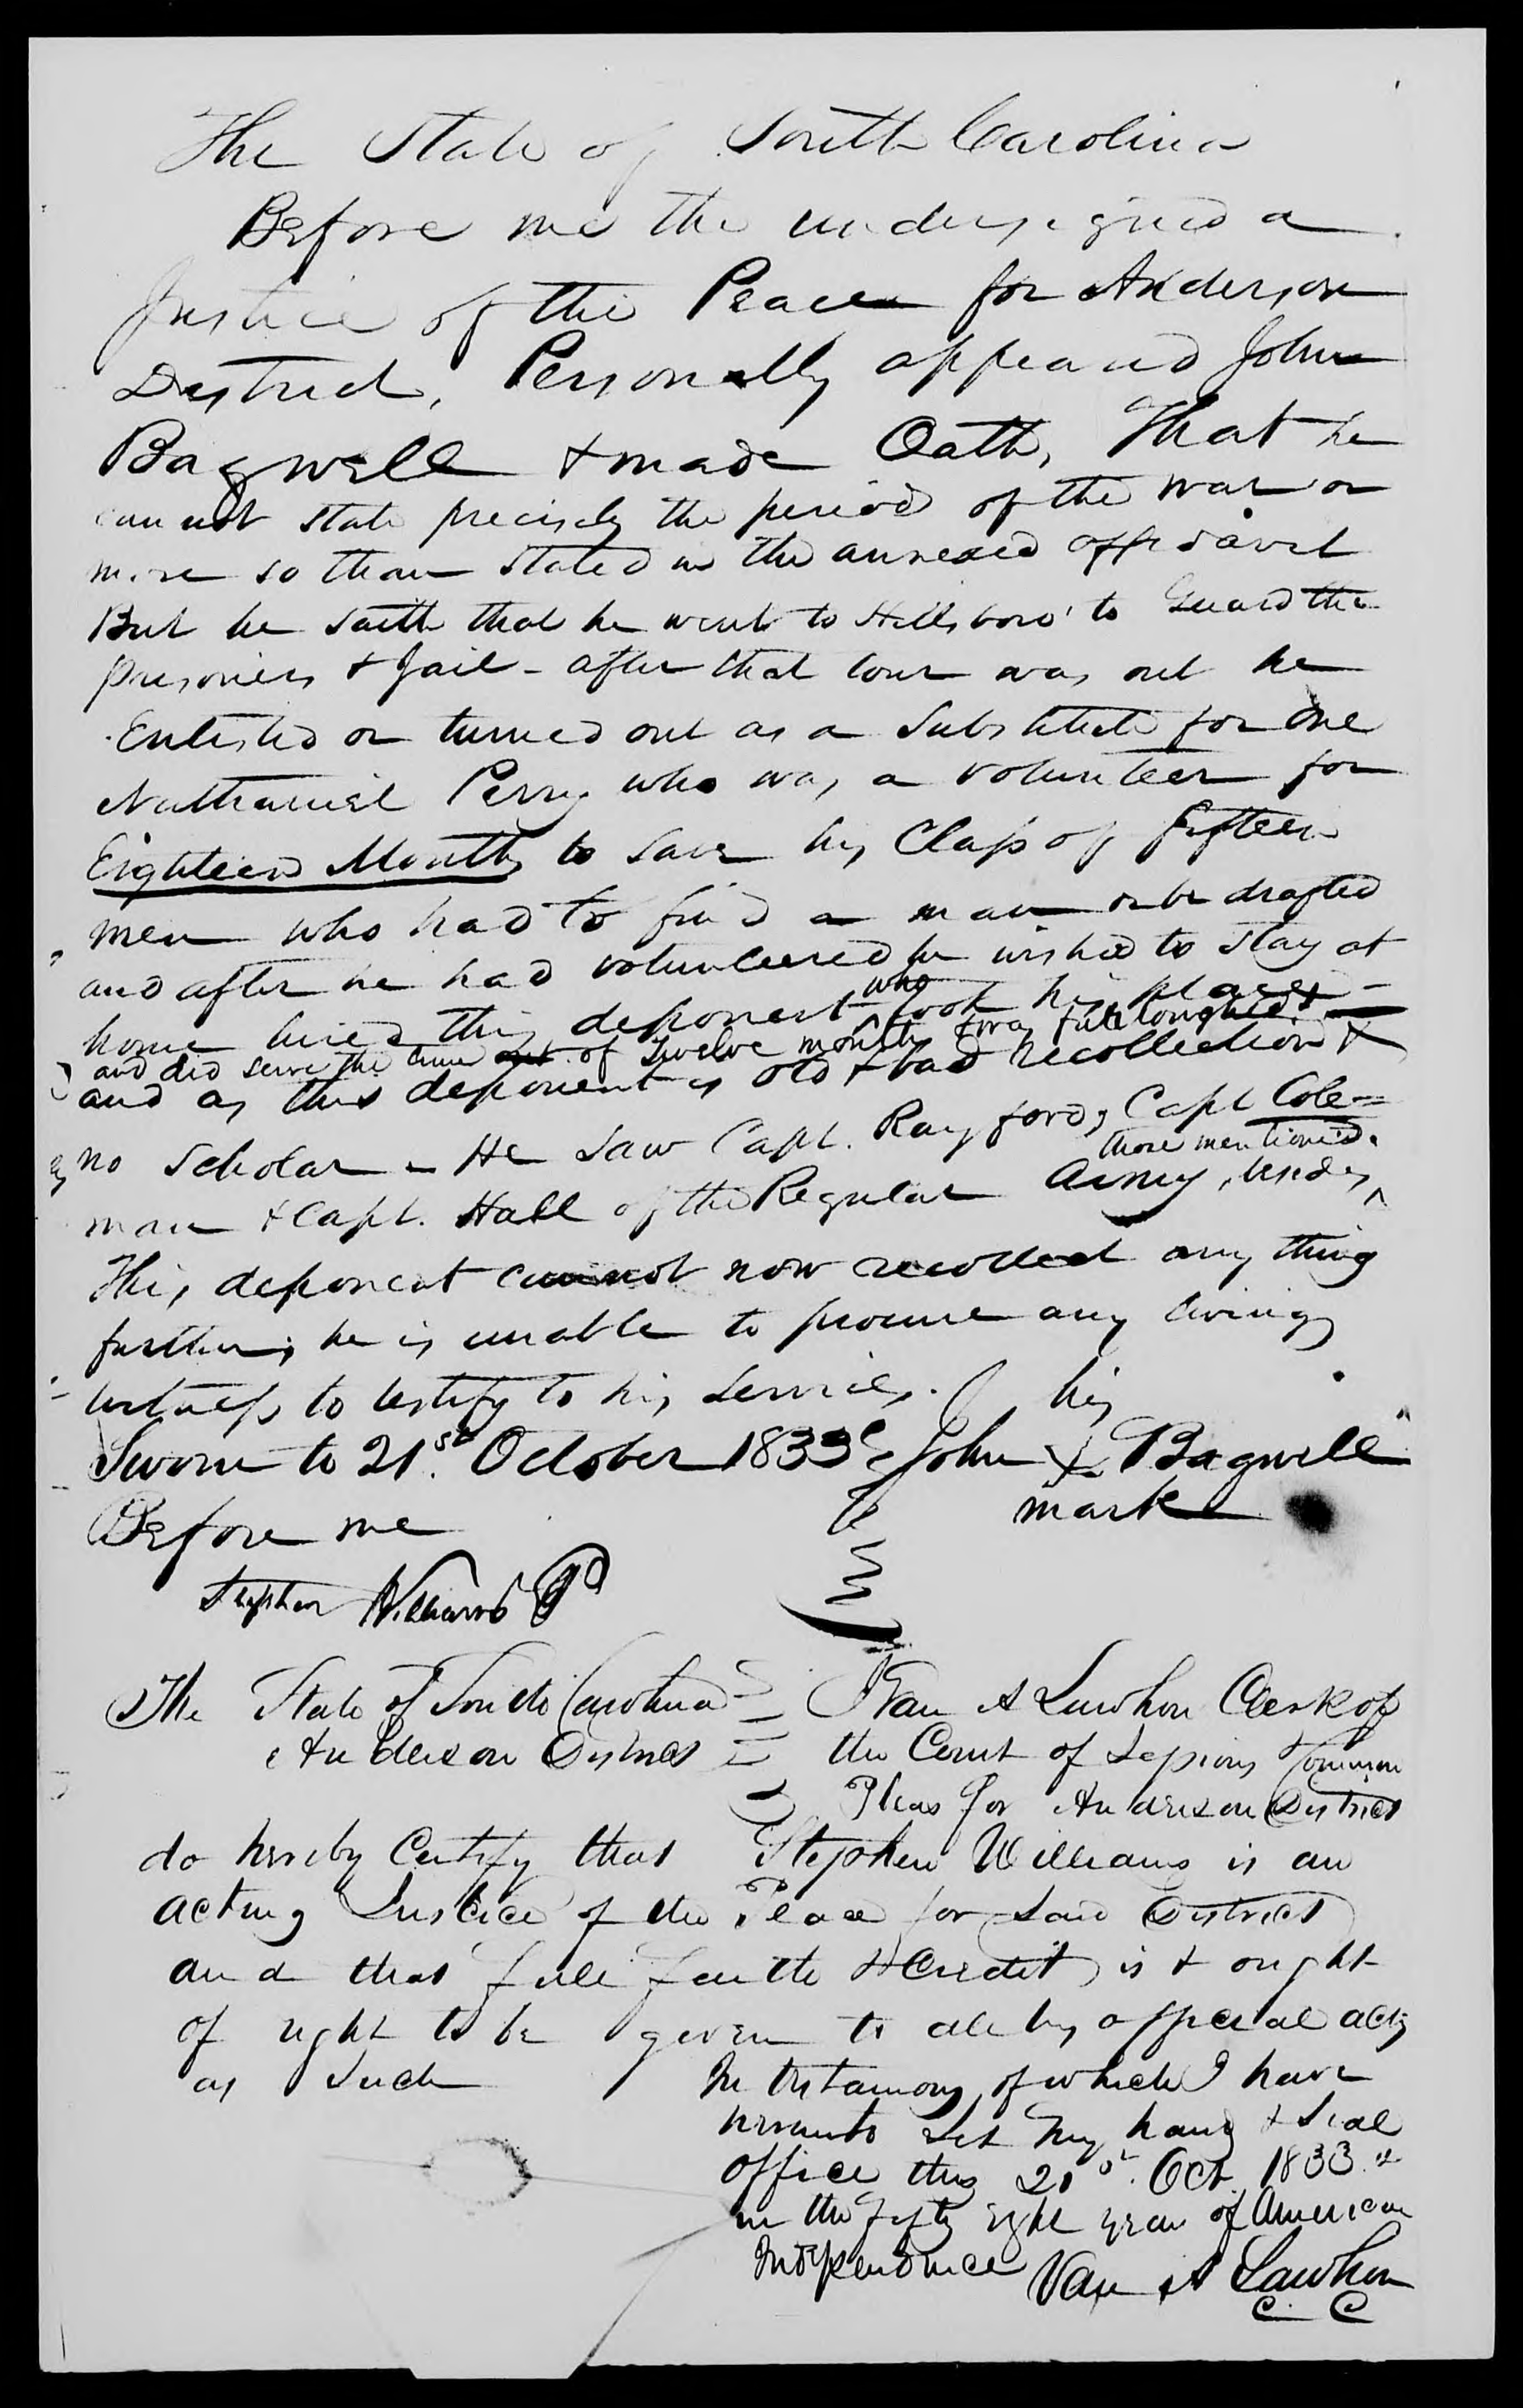the State of South Carolina
Before me the undersigned a
Justice of the Peace for Anderson district

Personally appeared John
Bagwell & made
Oath, That he

cannot state precisely the period of the war or
more so than stated in the annexed affidavit
But he saith that he went to Hillsboro to guard the
prisoners & jail after that tour was out he
enlisted or turned out as a substitute for one
Nathaniel Perry who was a volunteer for
Eighteen Months to save his class of Fifteen
men who had to find a man or be drafted
and after he had volunteered he wished to stay at
home hired this deponent who took his place and did serve the time of twelve months and was furloughed and as this depondent is old and has recollection and no scholar. He saw Capt. Rayford, Capt Coleman & Capt Hall of the Regular
Army, [  ] those mentioned
This deponent cannot now recollect any thing
further; he is unable to prove any living
witness to certify to his service

Sworn to 21st October 1833  X John P. Bagwell mark
Before 
Stephen Williams
The

State of South Carolina Van A Lawhorn Clerk of
Anderson District The Court of Sessions Common

Pleas for Anderson District do  hereby certify that
Stephen Williams is an
acting Justice of the Peace for said District
and that full faith & credit is & ought
right to be given to all my official acts as
such
In testimony of which I have
hereunto set my hand & seal
office this 20th Oct 1833
in the fifty
the year of American
Independence Van A Lawhorn CC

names: Rayford, Van A Lawhon, Coleman, Nathaniel Perry, Van A Lawhon, John Bagwell, John Bagwell, Stephen Williams, Stephen Williams, Hall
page: 11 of 36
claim: survivor's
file: S 6571, John Bagwell, N.C.